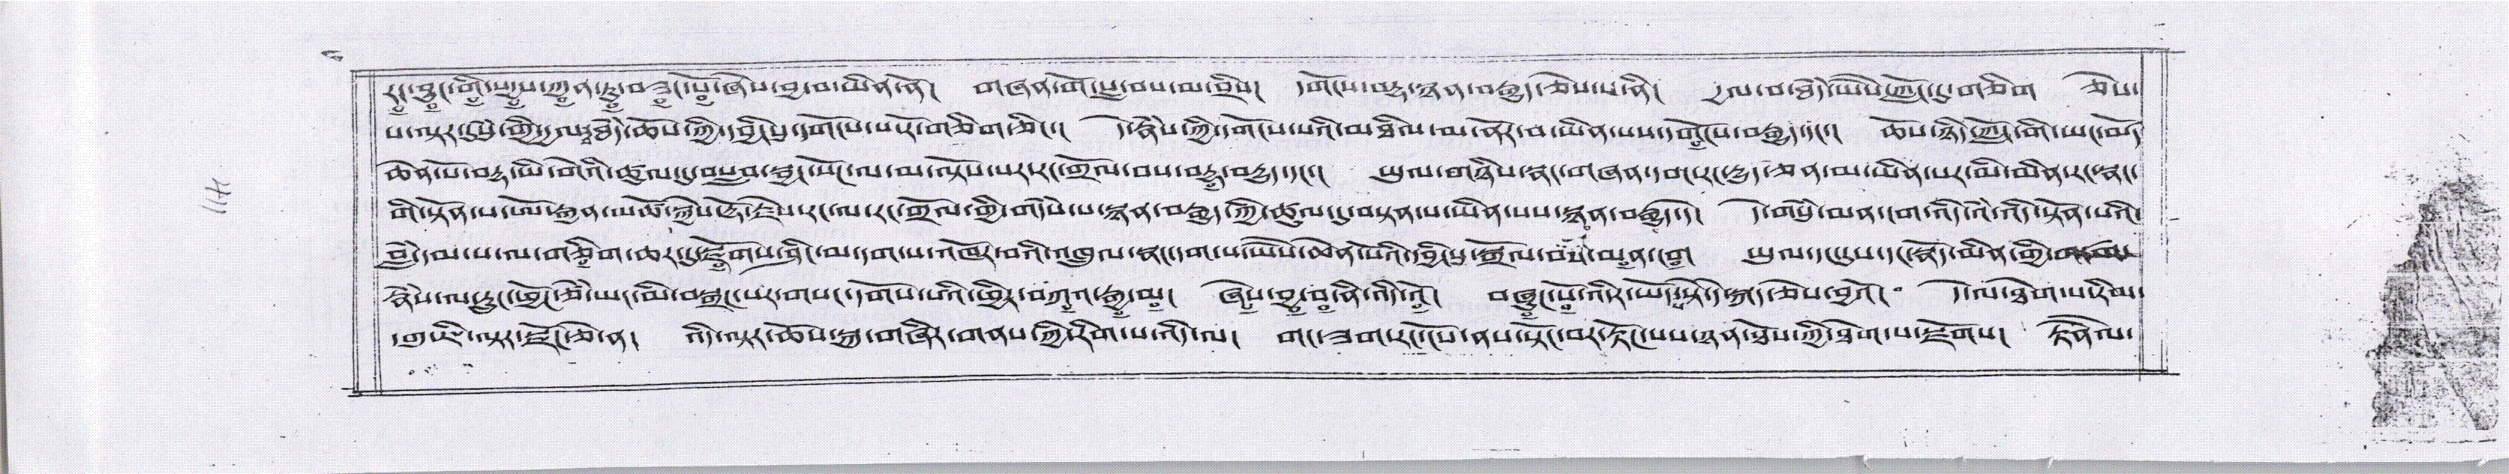རང་བྱུང་གི་སངས་རྒྱས་ཀུན་ཏུ་བཟང་པོ་ཞེས་བྱ་བ་ཡིན་ནོ། གཞན་གོ་སླ་བས་མ་བྲིས། དགོངས་བརྡ་སྙན་བརྒྱུད་ཅེས་པ་ནི། རྒྱལ་བ་ཐམས་ཅད་ཡེ་ཤེས་ཀློང་དུ་གཅིག ཅེས་
པ་ལྟར། དུས་གསུམ་གྱི་རྒྱལ་བ་ཐམས་ཅད་ཆོས་ཀྱི་དབྱིངས་སུ་དགོངས་པ་རོ་གཅིག་ཅིང་། དེ་རྣམས་ཀྱི་དགོངས་པའི་མཐིལ་མ་ནོར་བ་ཡིན་པས་དགོངས་བརྒྱུད་དང་། ཆོས་ཉིད་ཀློང་གི་ཡང་མཛོད་
ཆེན་པོ་བརྡ་ཡི་གེའི་ཚུལ་དུ་བསླབ་སྦྱོང་སོགས་ལ་མ་ལྟོས་པར་རང་གྲོལ་བས་བརྡ་བརྒྱུད་དང་། ཡུལ་གཉིས་སྣང་གཞན་དབང་རང་རྒྱུད་ཅན་མ་ཡིན་པར་མི་མིན་རང་སྣང་
གི་སྟོན་པ་ཨོ་རྒྱན་མཚོ་སྐྱེས་རྡོ་རྗེས་རང་ལ་རང་གྲོལ་གྱི་གདམས་པ་སྙན་བརྒྱུད་ཀྱི་ཚུལ་དུ་བསྟན་པ་ཡིན་པས་སྙན་བརྒྱུད་དེ། དེ་གསུམ་མན་ངག་འདིའམ་འདི་སྟོན་པའི་
བླ་མ་དམ་པ་ལ་གཅིག་ཆར་དུ་རྫོགས་ཤིང་མ་དག་པ་འཁོར་བའི་འཁྲུལ་སྣང་དག་པ་ཡེ་ཤེས་ཆེན་པོའི་དབྱིངས་སུ་གྲོལ་བས་མན་ངག ཡུལ་དང་དུས་དང་སྣོད་མིན་གྱི་གང་ཟག་
རྣམས་ལ་རླུང་ཕྱོགས་ཙམ་ཡང་མི་བསྒྲགས་པར་གསང་དགོས་པའི་ཕྱིར་ན་བཀའ་རྒྱ་མ། ཞེས་བྱ་བ་ནི་འདིའོ། བཞུགས་སོ་འདིར་ཡོད་པ་སྟེ་དེ་སྐད་ཅེས་བྱའོ། དེ་ལ་ཐེག་པ་རིམ་
དགུ་ཇི་ལྟར་རྫོགས་ཞེ་ན། འདི་ལྟར་ཆོས་སྐུ་གཞིར་གནས་ཀྱི་རིག་པ་འདི་ལ། གང་ཟག་རང་ངོས་ནས་སྟོང་པར་རྟོགས་པས་ཉན་ཐོས་ཀྱི་ཐེག་པ་རྫོགས། རྟེན་འབྲེལ་